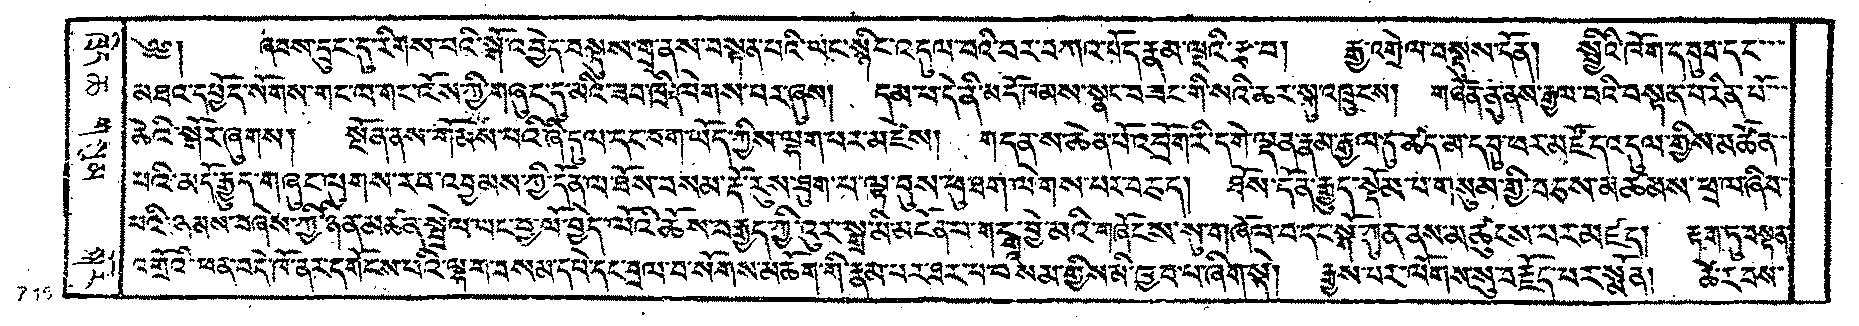༄༅། །ཞབས་དྲུང་དུ་རིགས་པའི་སྒོ་འབྱེད་བསྡུས་གྲྭ་ནས་བསྟན་པའི་ཡང་སྙིང་འདུལ་བའི་བར་བཀའ་པོད་རྣམ་ལྔའི་རྩ་བ། རྒྱ་འགྲེལ་བསྡུས་དོན། སྤྱིའི་ཁོག་དབུབ་དང་
མཐའ་དཔྱོད་སོགས་གང་ལ་གང་འོས་ཀྱི་གཞུང་དུ་མའི་ཟབ་ཁྲིད་ལེགས་པར་ཞུས། དམ་པ་དེ་ནི་མདོ་ཁམས་སྣང་བཟང་གི་སའི་ཆར་སྐུ་འཁྲུངས། གཞོན་ནུ་ནས་རྒྱལ་བའི་བསྟན་པ་རིན་པོ་
ཆེའི་སྒོར་ཞུགས། སྔོན་ནས་གོམས་པའི་ཞི་དུལ་དང་བག་ཡོད་ཀྱིས་ལྷག་པར་མཛེས། གདན་ས་ཆེན་པོ་འབྲོག་རི་དགེ་ལྡན་རྣམ་རྒྱལ་དུ་ཚད་མ་དབུ་ཕར་མཛོད་འདུལ་གྱིས་མཚོན་
པའི་མདོ་རྒྱུད་གཞུང་ལུགས་རབ་འབྱམས་ཀྱི་དོན་ལ་ཐོས་བསམ་རྡོ་རུས་ཐུག་པ་ལྟ་བུས་ཕུ་ཐག་ལེགས་པར་བཅད། ཐོས་དོན་རྒྱུད་སྡོམ་པ་གསུམ་གྱི་བཅས་མཚམས་ཕྲ་ལ་ཞིབ་
པའི་ཉམས་བཞེས་ཀྱི་ཉིན་མཚན་སྦྲེལ་ཡང་བྱ་ལོ་བྱེད་ལོའི་ཆོས་བརྒྱད་ཀྱི་འུར་སྒྲ་མི་མངོན་པ་གངྒཱ་བྱེ་མའི་གཞོངས་སུ་གཞོལ་བ་དང་སྒོ་ཀུན་ནས་མཚུངས་པར་མཛད། རྟག་ཏུ་བསྟན་
འགྲོའི་ཕན་བདེ་ཁོ་ནར་དགོངས་པའི་ལྷག་བསམ་དཔེ་དང་བྲལ་བ་སོགས་མཆོག་གི་རྣམ་པར་ཐར་པ་བསམ་གྱིས་མི་ཁྱབ་པ་ཞིག་སྟེ། རྒྱས་པར་ལོགས་སུ་བརྗོད་པར་སྨོན། ཚེ་རབས་